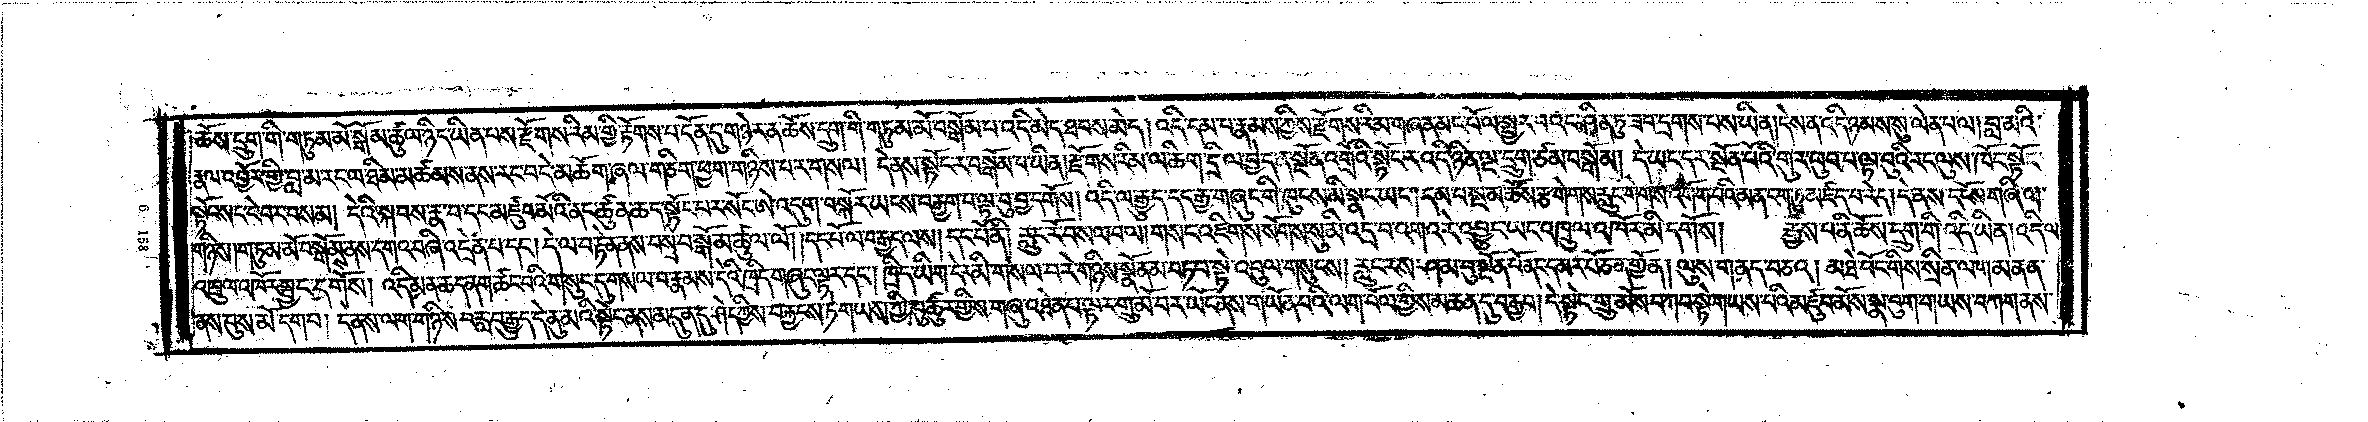ཆོས་དྲུག་གི་གཏུམ་མོ་སྒོམ་ཚུལ་ཉིད་ཡིན་པས་རྫོགས་རིམ་གྱི་རྟོགས་པ་དོན་དུ་གཉེར་ན་ཆོས་དྲུག་གི་གཏུམ་མོ་བསྒོམ་པ་འདི་མེད་ཐབས་མེད། འདི་དམ་པ་རྣམས་ཀྱིས་རྫོགས་རིམ་གཞན་མང་པོ་ལ་སྦྱར་བའང་ཤིན་ཏུ་ཟབ་དྲགས་པས་ཡིན། དེས་ན་འདི་ཉམས་སུ་ལེན་པ་ལ། བླ་མའི་
རྣལ་འབྱོར་གྱི་བླ་མ་རང་ལ་ཐིམ་མཚམས་ནས་རང་བདེ་མཆོག་ཞལ་གཅིག་ཕྱག་གཉིས་པར་གསལ། དེ་ནས་སྟོང་ར་བསྒོམ་པ་ཡིན། རྫོགས་རིམ་ལ་ཆིག་དྲིལ་བྱེད་ན་སྔོན་འགྲོའི་སྟོང་ར་འདི་ཉིན་ལྔ་དྲུག་ཙམ་བསྒོམ། དེ་ཡང་དར་སྔོན་པོའི་གུར་ཕུབ་བ་ལྟ་བུའི་རང་ལུས་ཁོང་སྟོང་
སྟོངས་བེབར་བསམ། དེའི་སྐབས་རྣ་བ་དང་མཛུབ་མོའི་ནང་ཚུན་ཆད་སྟོང་པར་སོང་ཨེ་འདུག་བསྐོར་ཡངས་བརྒྱག་པ་ལྟ་བུ་བྱ་དགོས། འདི་ལ་རྒྱུད་དང་རྒྱ་གཞུང་གི་ཁུངས་མི་སྣང་ཡང་། དམ་པ་སྔ་མ་ཆོས་རྩ་གེགས་འགོག་བའི་མན་ངག་ཏུ་མཛད་པ་རེད། དེ་ནས་དངོས་གཞི་ལ་
གཉིས་།གཏུམ་མོ་བསྒོམས་ནས་དགའ་བཞི་འདྲེན་པ་དང་། དེ་ལ་བརྟེན་ནས་བསྲེ་བསྒོམ་ཚུལ་ལོ། །དང་པོ་ལ་བརྒྱད་ལས། དང་པོ་ནི། རླུང་རོ་བསལ་བ་ལ། གསང་འཇིགས་སོགས་སུ་མི་འདྲ་བ་འགའ་རེ་འབྱུང་ཡང་འཁྲུལ་འཁོར་མི་དགོས། རྒྱས་པ་ནི་ཆོས་དྲུག་གི་འདི་ཡིན། འདི་ལ་
འཁྲུལ་འཁོར་སྦྱང་དགོས། འདི་མན་ཆད་ནག་ཚང་བའི་གསུང་དུ་གསལ་བ་རྣམས་དེའི་ཁྲིད་གཞུང་ལྟར་དང་། ཁྲིད་ཡིག་དེར་མི་གསལ་བ་རེ་གཉིས་སྣོན་མ་བཏབ་སྟེ་འབུལ་གསུངས། རླུང་རས་ཤམ་བུ་སྔོན་པོ་ནང་དམར་པོ་ཅན་གྱོན། ལུས་གནད་བཅའ། མཐེ་བོང་གིས་སྲིན་ལག་མནན་
ནས་བུས་མོ་དག་པ། དེ་ནས་ལག་གཉིས་བརླ་བརྒྱུད་དེ་ནུ་མའི་སྟེང་ནས་མདུན་དུ་ཤེད་ཀྱིས་བརྐྱངས་ཏེ་གཡས་ཀྱི་ཁུ་ཚུར་གྱིས་གཞུ་འཐེན་པ་ལྟར་གྲུ་མོ་བར་ཡོང་ནས་གཡོན་པའི་ལག་བོལ་གྱིས་མཆན་དུ་བརྒྱབ། དེ་སྟེང་གྲུ་མོས་བཀབ་སྟེ་གཡས་པའི་མཛུབ་མོས་སྣ་བུག་གཡས་བཀག་ནས་